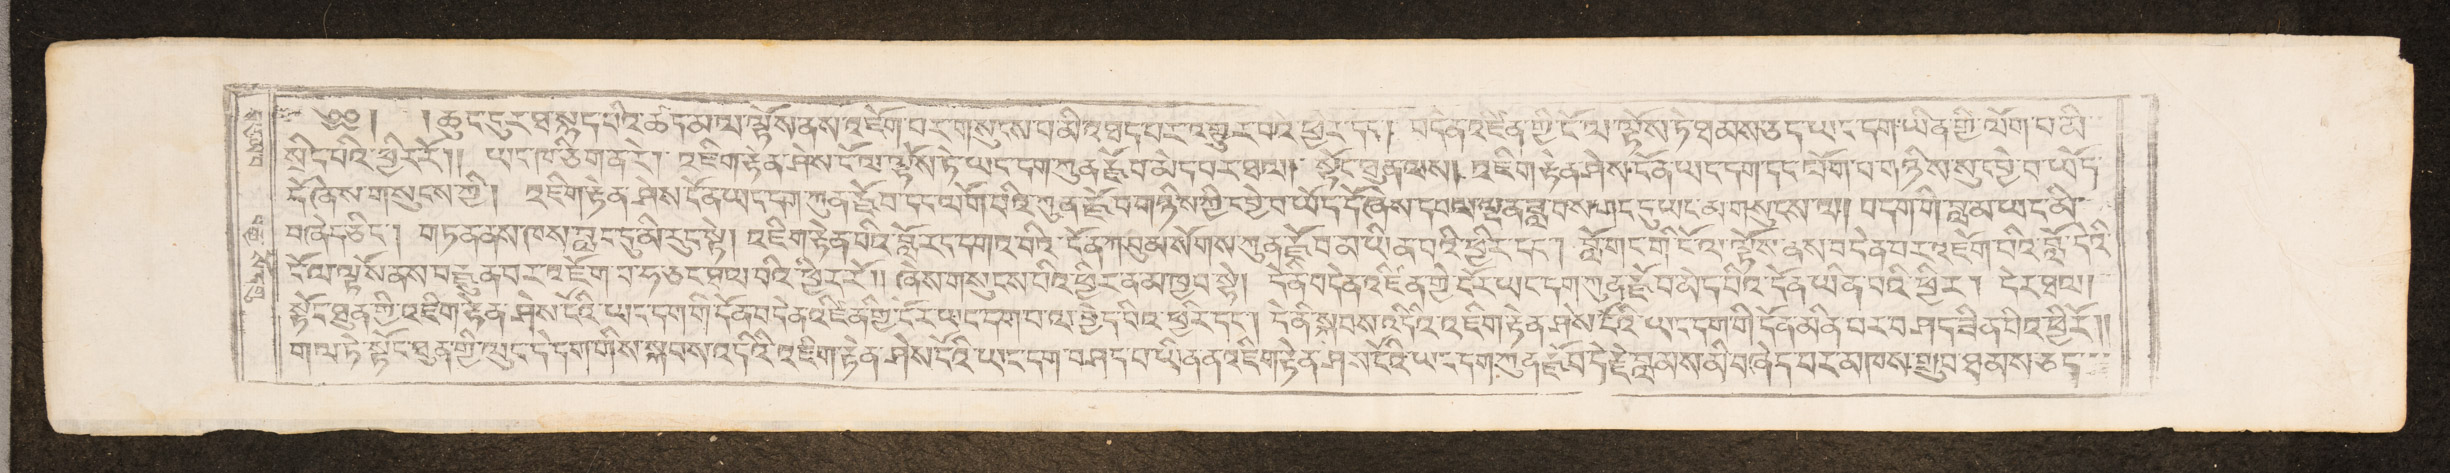༄༅། །ཆུང་ངུར་ཐ་སྙད་པའི་ཚད་མ་ལ་ལྟོས་ནས་འཇོག་པར་གསུངས་པ་མི་འཐད་པར་འགྱུར་བའི་ཕྱིར་དང་། བདེན་འཛིན་གྱི་ངོ་ལ་ལྟོས་ཏེ་ཐམས་ཅད་ཡང་དག་ཡིན་གྱི་ལོག་པ་མི་
སྲིད་པའི་ཕྱིར་རོ།། ཡང་ཁ་ཅིག་ན་རེ། འཇིག་རྟེན་ཤེས་ངོ་བླ་ལྟོས་ཏེ་ཡང་དག་ཀུན་རྫོབ་མེད་པར་ཐལ། སྟོང་ཐུན་ལས། འཇིག་རྟེན་ཤེས་གནོན་ཡང་དག་དང་ལོག་པ་གཉིས་སུ་དབྱེ་བ་ཡོད་
དོ་ཞེས་གསུངས་ཀྱི། འཇིག་རྟེན་ཤེས་དོན་ཡང་དག་ཀུན་རྫོབ་དང་ལོག་པའི་ཀུན་རྫོབ་གཉིས་ཀྱི་དབྱེ་བ་ཡོད་དོ་ཞེས་དཔལ་ལྡན་ཟླ་བས་གང་དུ་ཡང་མ་གསུངས་ལ། བདག་གི་བླ་མ་ཡང་མི་
བཞེད་ཅིང་། གཏན་ནས་ཁམས་བླང་དུ་མི་རུང་སྟེ། འཇིག་རྟེན་པའི་བློ་རང་དགའ་བའི་དོན་ཀུ་བུམ་སོགས་ཀུན་རྫོབ་མ་ཡིན་པའི་ཕྱིར་དང་། བློ་གང་གི་ངོ་ལ་ལྟོས་ནས་བདེན་པར་འཇོག་པའི་བློ་དེའི་
ངོ་ལ་ལྟོས་ནས་བརྫུན་པར་འཇོག་པ་ཧ་ཅང་ཐལ་བའི་ཕྱིར་རོ། །ཞེས་གསུངས་པའི་ཕྱིར་ན་མ་ཁྱབ་སྟེ། དེ་ནི་བདེན་འཛིན་གྱི་ངོ་ཡང་དག་ཀུན་རྫོབ་མེད་པའི་དོན་ཡིན་པའི་ཕྱིར། དེར་ཐལ།
སྟོང་ཐུན་གྱི་འཇིག་རྟེན་ཤེས་ངོའི་ཡང་དག་གི་དོན་བདེན་འཛིན་གྱི་ངོར་ཡང་དག་པ་ལ་བྱེད་པའི་ཕྱིར་དང་། དེ་ནི་སྐབས་འདིའི་འཇིག་རྟེན་ཤེས་ངོའི་ཡང་དག་གི་དོན་མིན་པར་བཤད་ཟིན་པའི་ཕྱིརོ།།
གལ་ཏེ་སྟོང་ཐུན་གྱི་ལུང་དེ་དག་གིས་སྐབས་འདིའི་འཇིག་རྟེན་ཤེས་ངོའི་ཡང་དག་བཤད་པ་ཡིན་ན་འཇིག་རྟེན་ཤེས་ངོའི་ཡང་དག་ཀུན་རྫོབ་དེ་རྗེ་བླ་མས་མི་བཞེད་པར་མཁས་གྲུབ་ཐམས་ཅད་